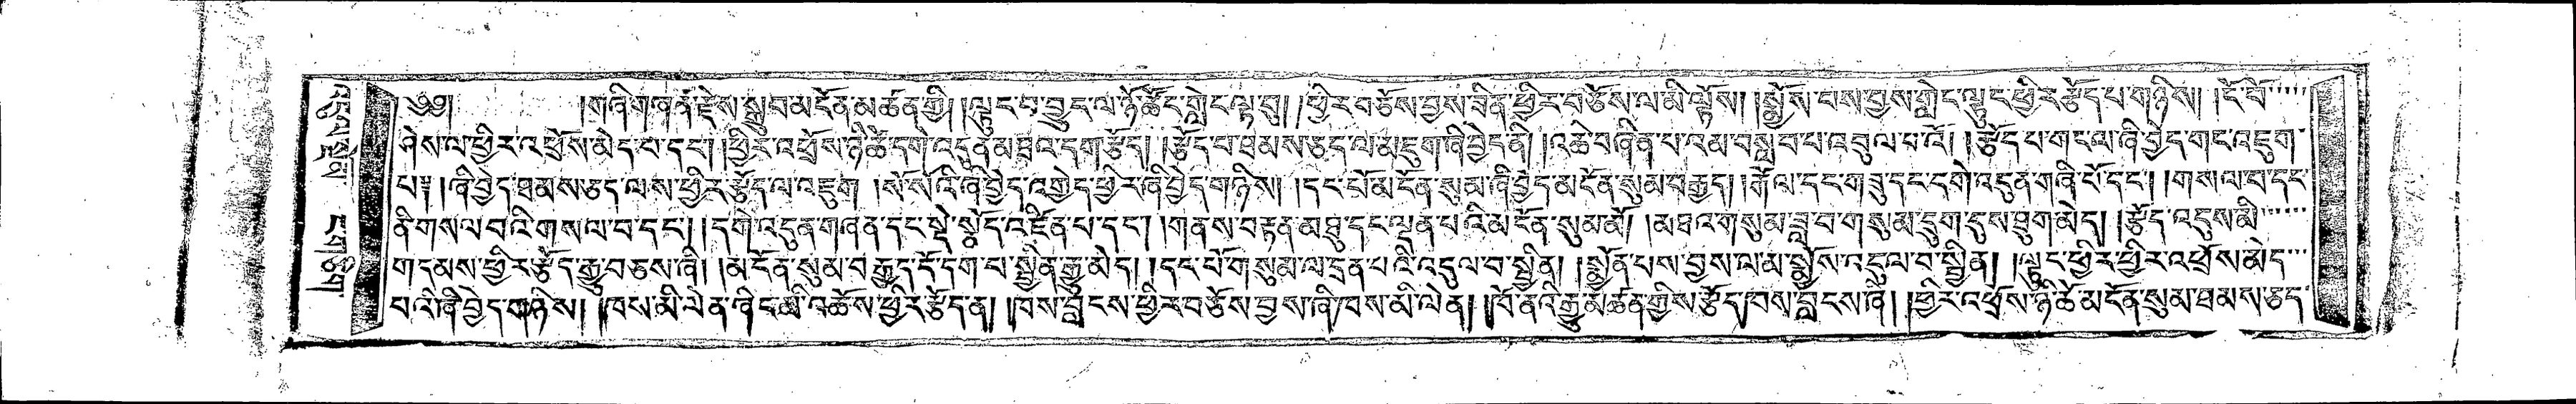༄༅། །གཞི་གཞན་རྗེས་སྒྲུབ་མངོན་མཚན་གྱི། །ལྟུང་བ་བྱུང་ལ་ཉོ་ཚོང་གླེང་ལྟ་བུ། །ཕྱིར་བཅོས་བྱས་ཟིན་ཕྱིར་བཅོས་ལ་མི་ལྟོས། །སྨྱོས་པས་བྱས་གླེང་ལྟུང་ཕྱིར་རྩོད་པ་གཉིས། །ངོ་བོ་
ཤེས་ལ་ཕྱིར་འཕྲོས་མེད་པ་དང་། །ཕྱིར་འཕྲོས་ཉི་ཚེ་དགེ་འདུན་མཐའ་དག་རྩོད། །རྩོད་པ་ཐམས་ཅད་ལ་མཇུག་ཞི་བྱེད་ནི། །འཆི་བཞིན་པའམ་བསླབ་པ་འབུལ་པའོ། །རྩོད་པ་གང་ལ་ཞི་བྱེད་གང་འཇུག་
པ༑ །ཞི་བྱེད་ཐམས་ཅད་ལས་ཕྱིར་རྩོད་ལ་འཇུག །སོ་སོའི་ཞི་བྱེད་འགྱེད་ཕྱིར་ཞི་བྱེད་གཉིས། །དང་པོ་མངོན་སུམ་ཞི་བྱེད་མངོན་སུམ་བརྒྱད། །རྒོལ་དང་གཟུ་དང་དགེ་འདུན་གཞི་པོ་དང་། །གསལ་བ་དང་
ནི་གསལ་བའི་གསལ་བ་དང་། །དགེ་འདུན་གཞན་དང་སྡེ་སྣོད་འཛིན་པ་དང་། །གནས་བརྟན་མཐུ་དང་ལྡན་པའི་མངོན་སུམ་མོ། །མཐའ་གསུམ་ཟླ་བ་གསུམ་དྲུག་དུས་ཐུག་མེད། །རྩོད་འདུས་མི་
གདམས་ཕྱིར་རྩོད་རྒྱུ་བཅས་ཞི། །མངོན་སུམ་བརྒྱད་དོ་དག་པ་སྦྱིན་རྒྱུ་མེད། །དང་པོ་གསུམ་ལ་དྲན་པའི་འདུལ་བ་སྦྱིན། །སྨྱོན་པས་བྱས་ལ་མ་སྨྱོས་འདུལ་བ་སྦྱིན། །ལྟུང་ཕྱིར་ཕྱིར་འཕྲོས་མེད་
པའི་ཞི་བྱེད་གཉིས། །ཁས་མི་ལེན་ཞིང་མི་འཆོས་ཕྱིར་རྩོད་ན། །ཁས་བླངས་ཕྱིར་བཅོས་བྱས་ཞི་ཁས་མི་ལེན། །ཁོ་ནའི་རྒྱུ་མཚན་གྱིས་རྩོད་ཁས་བླངས་ཞི། །ཕྱིར་འཕྲོས་ཉི་ཚེ་མངོན་སུམ་ཐམས་ཅད་